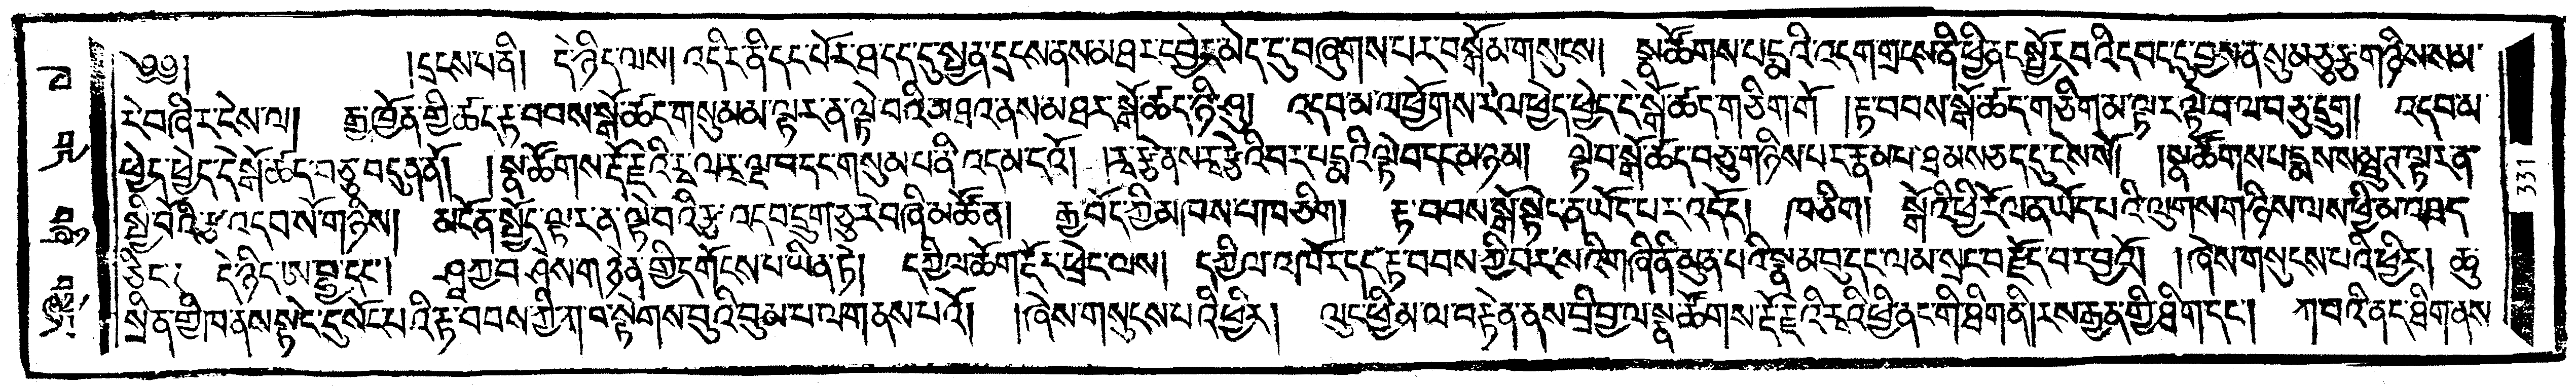༄༅། །དྲངས་པ་ནི། དེ་ཉིད་ལས། འདིར་ནི་དང་པོར་ཐ་དད་དུ་སྤྱན་དྲངས་ནས་མཐར་དབྱེར་མེད་དུ་བཞུགས་པར་བསྒོམ་གསུངས། སྣ་ཚོགས་པདམའི་འདག་གྲངས་ནི་ཕྱི་ནང་སྦྱོར་བའི་དབང་དུ་བྱས་ན་སུམ་ཅུ་རྩ་གཉིས་སམ་
རེ་བཞིར་ངེས་ལ། རྒྱ་ཁྱོན་གྱི་ཚང་རྟ་བབས་སྒོ་ཚད་གསུམ་མ་ལྟར་ན་ལྟེ་བའི་མཐའ་ནས་མཐར་སྒོ་ཚད་ཉི་ཤུ། འདབ་མ་ལ་ཕྱོགས་རེ་ལ་ཕྱེད་ཕྱེད་དེ་སྒོ་ཚད་གཅིག་གོ །རྟ་བབས་སྒོ་ཚད་གཅིག་མ་ལྟར་ལྟེ་བ་ལ་བཅུ་དྲུག། འདབ་མ་
ཕྱེད་ཕྱེད་དེ་སྒོ་ཚད་བཅུ་བདུན་ནོ། །སྣ་ཚོགས་རྡོ་རྗེའི་རྭ་ལ་རྭ་ལྔ་པ་དང་གསུམ་པ་ནི་འདམ་ངའོ། །རྭ་རྩེ་ནས་རྭ་རྩེའི་བར་པདམའི་ལྟེ་བ་དང་མཉམ། ལྟེ་བ་སྒོ་ཚད་བཅུ་གཉིས་པར་རྣམ་པ་ཐམས་ཅད་དུ་ངེས་སོ། །སྣ་ཚོགས་པདམས་སམྦུ་ཊ་ལྟར་ན་
སྤྱི་བོའི་རྩ་འདབ་སོ་གཉིས། མངོན་སྤྱོད་ལྟར་ན་ལྟེ་བའི་རྩ་འདབ་དྲུག་ཅུ་རེ་བཞི་མཚོན། རྒྱ་བོད་ཀྱི་མཁས་པ་ཁ་ཅིག། རྟ་བབས་སྒོ་སྟེང་ན་ཡོད་པར་འདོད། ཁ་ཅིག། སྒོའི་ཕྱི་རོལ་ན་ཡོད་པའི་ལུགས་གཉིས་ལས་ཕྱི་མ་འཐད་
ཅིང༑ དེ་ཉིད་ཨ་བྷྱ་དང་། ཤཱཀྱ་བཤེས་གཉེན་གྱི་དགོངས་པ་ཡིན་ཏེ། དཀྱིལ་ཆོག་རྡོར་ཕྲེང་ལས། དཀྱིལ་འཁོར་དང་རྟ་བབས་ཀྱི་བར་སའི་གཞི་ནི་མུན་པའི་སྣམ་བུ་དང་ལམ་སྲང་བརྗོད་པར་བྱའོ། །ཞེས་གསུངས་པའི་ཕྱིར། ཆུ་
སྲིན་གྱི་ཁ་ནས་སྟེང་དུ་སོང་པའི་རྟ་བབས་ཀྱི་ཀ་བ་སྟེགས་བུའི་བུམ་པ་ལ་གནས་པའོ། །ཞེས་གསུངས་པའི་ཕྱིར། ལུང་ཕྱི་མ་ལ་བརྟེན་ནས་བྲི་བྱ་ལ་སྣ་ཚོགས་རྡོ་རྗེའི་རྭའི་ཕྱི་ནང་གི་ཐིག་ནི། རས་རྒྱན་གྱི་ཐིག་དང་། ཀ་བའི་ནང་ཐིག་ནས་